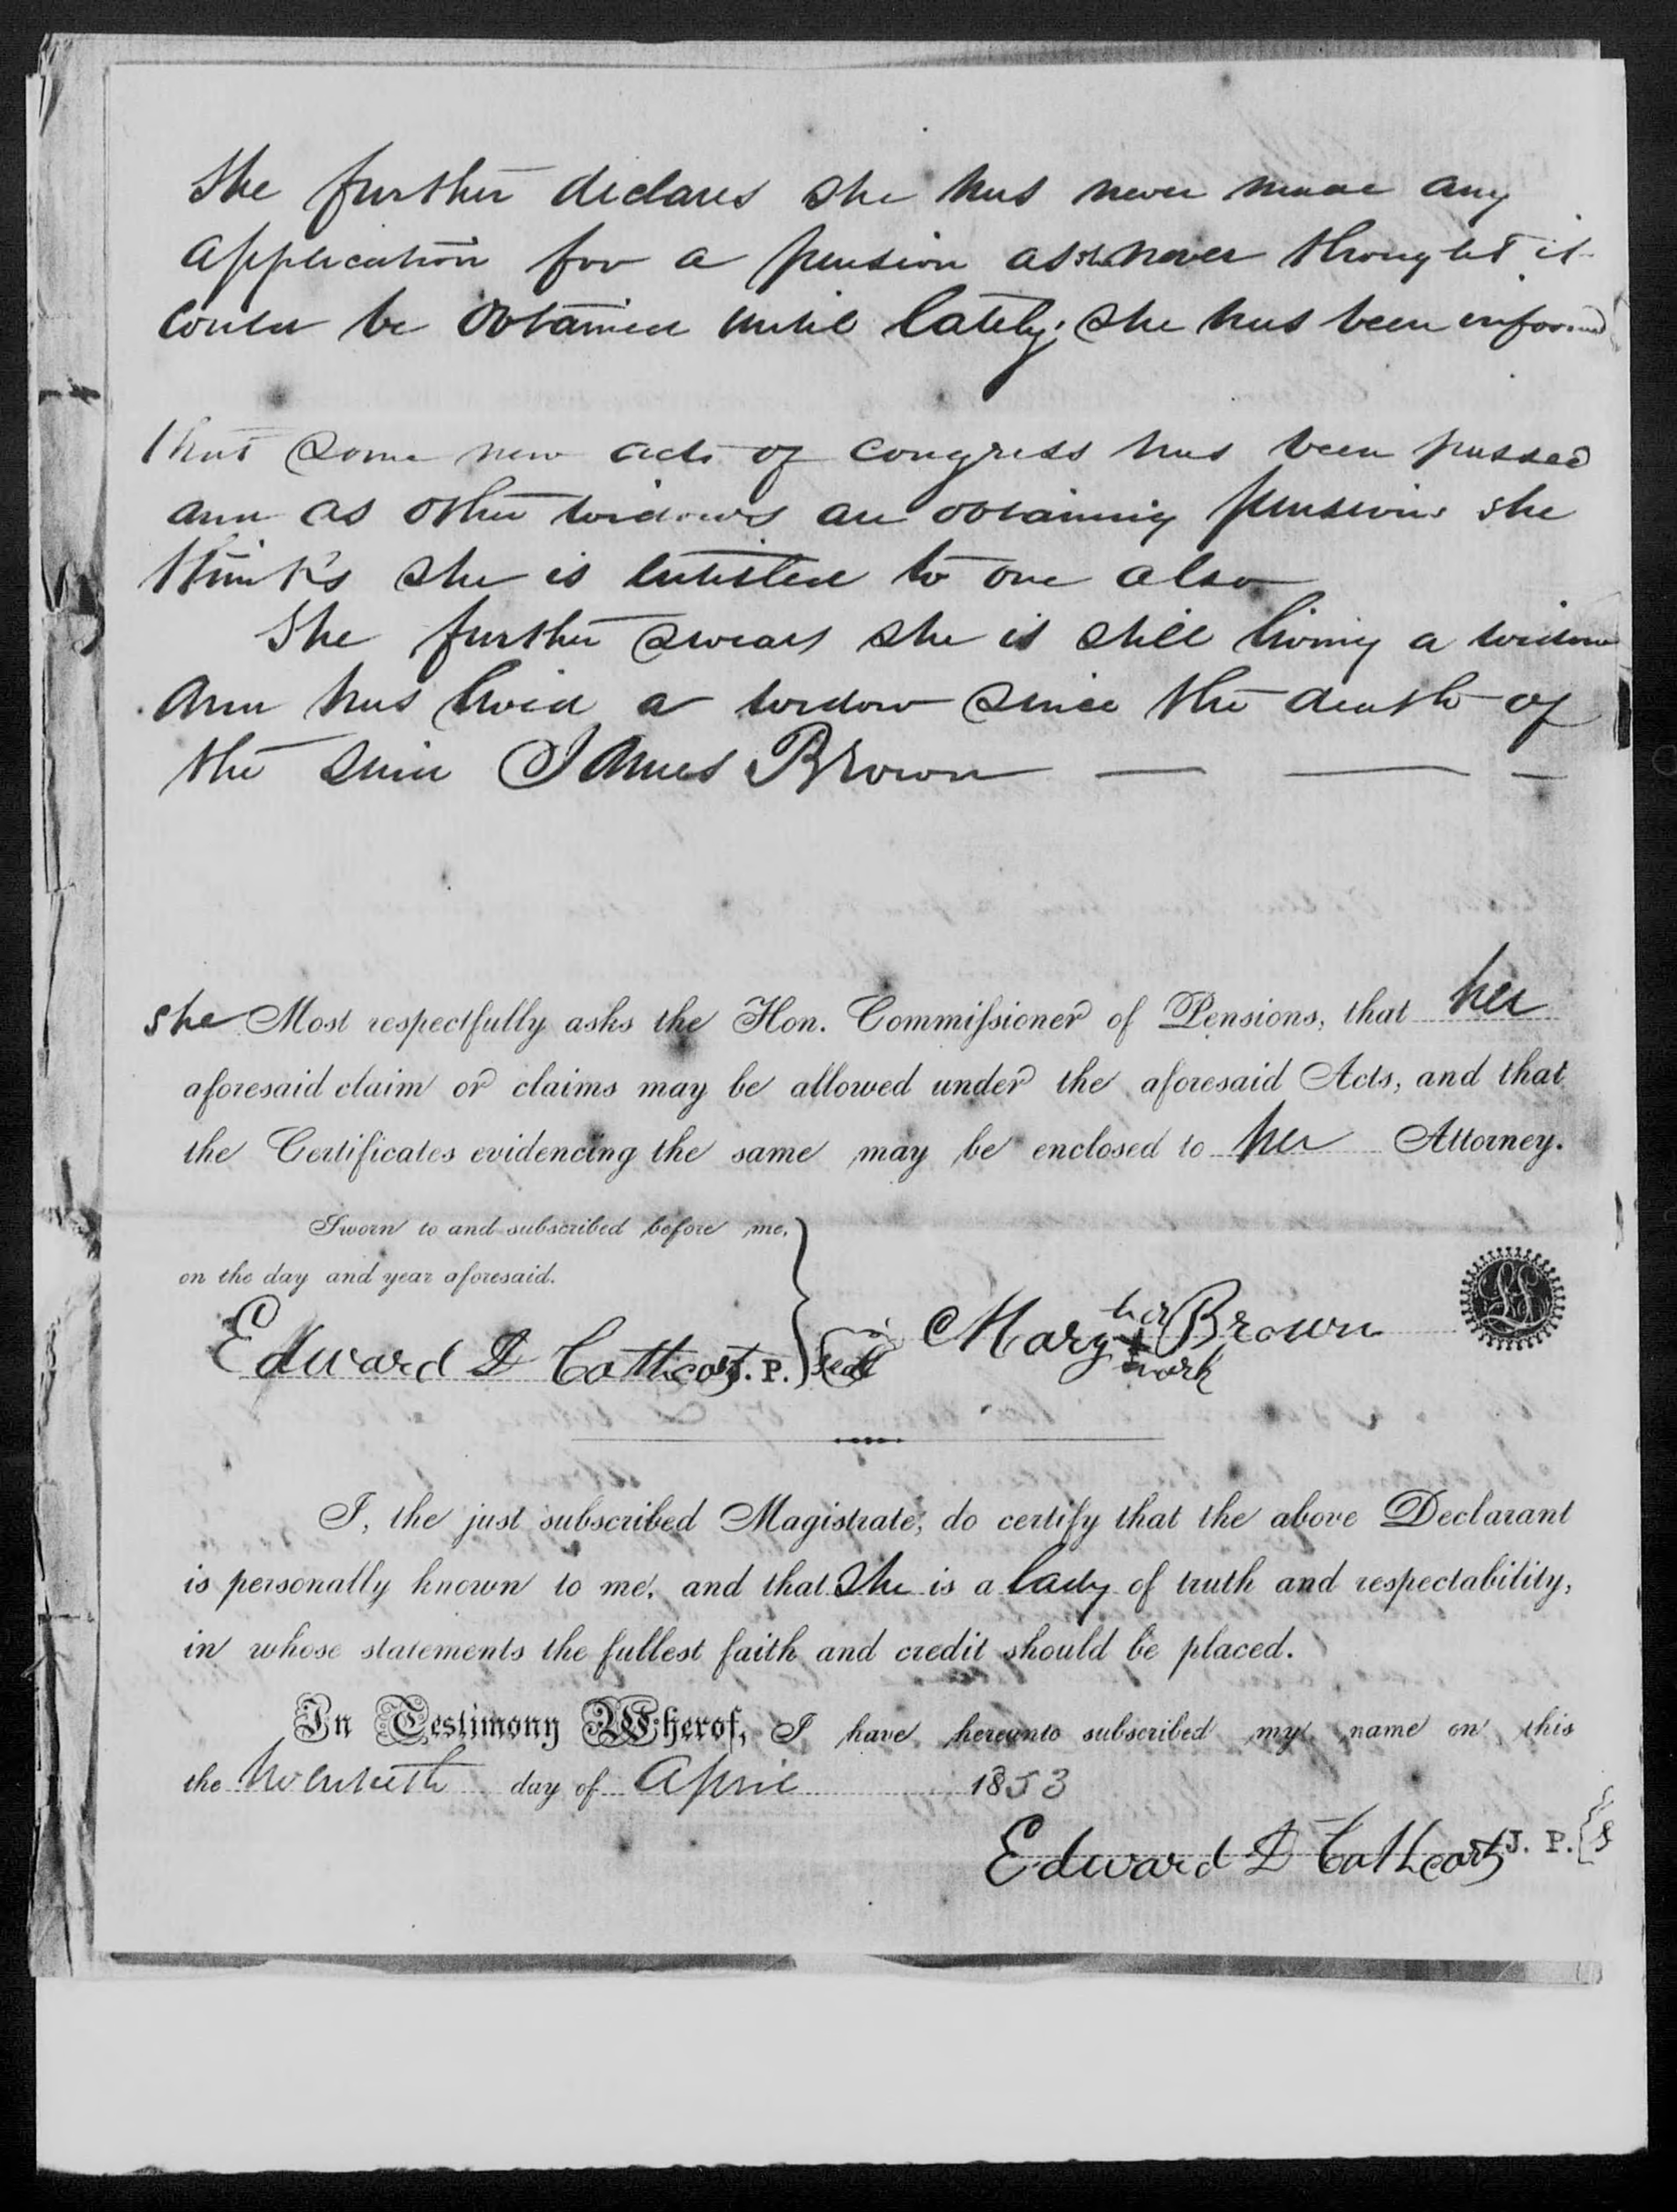she further declares she has never made any application for a pension as she never thought it could be obtained until lately, she has been informed that some new act of Congress has been passed
and as other widows are obtaining pension she thinks she is entitled to one also. she further swears she is still living a widow And has lived a widow since the death of
the said James Brown.
she Most respectfully asks the Hon. Commissioner of Pensions, that her
aforesaid claim or claims may be allowed under the aforesaid Acts, and that the Certificates evidencing the same may be enclosed to her Attorney. Mary Brown X her mark
Sworn to and subscribed before me,
on the day and year aforesaid
s/ Edward D Cathcart JP

I, the just subscribed magistrate, do certify that the above Declarant
is personally known to me, and that she is a lady of truth and respectability, in whose statements the fullest faith and credit should be placed.
In Testimony whereof, I have hereunto subscribed my name on this the twentieth day of April 1853
s/ Edward D Cathcart JP.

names: Mary Brown, Edward D Cathcart, Edward D Cathcart, James Brown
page: 21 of 41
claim: rejected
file: R. 1309, James Brown, S.C.